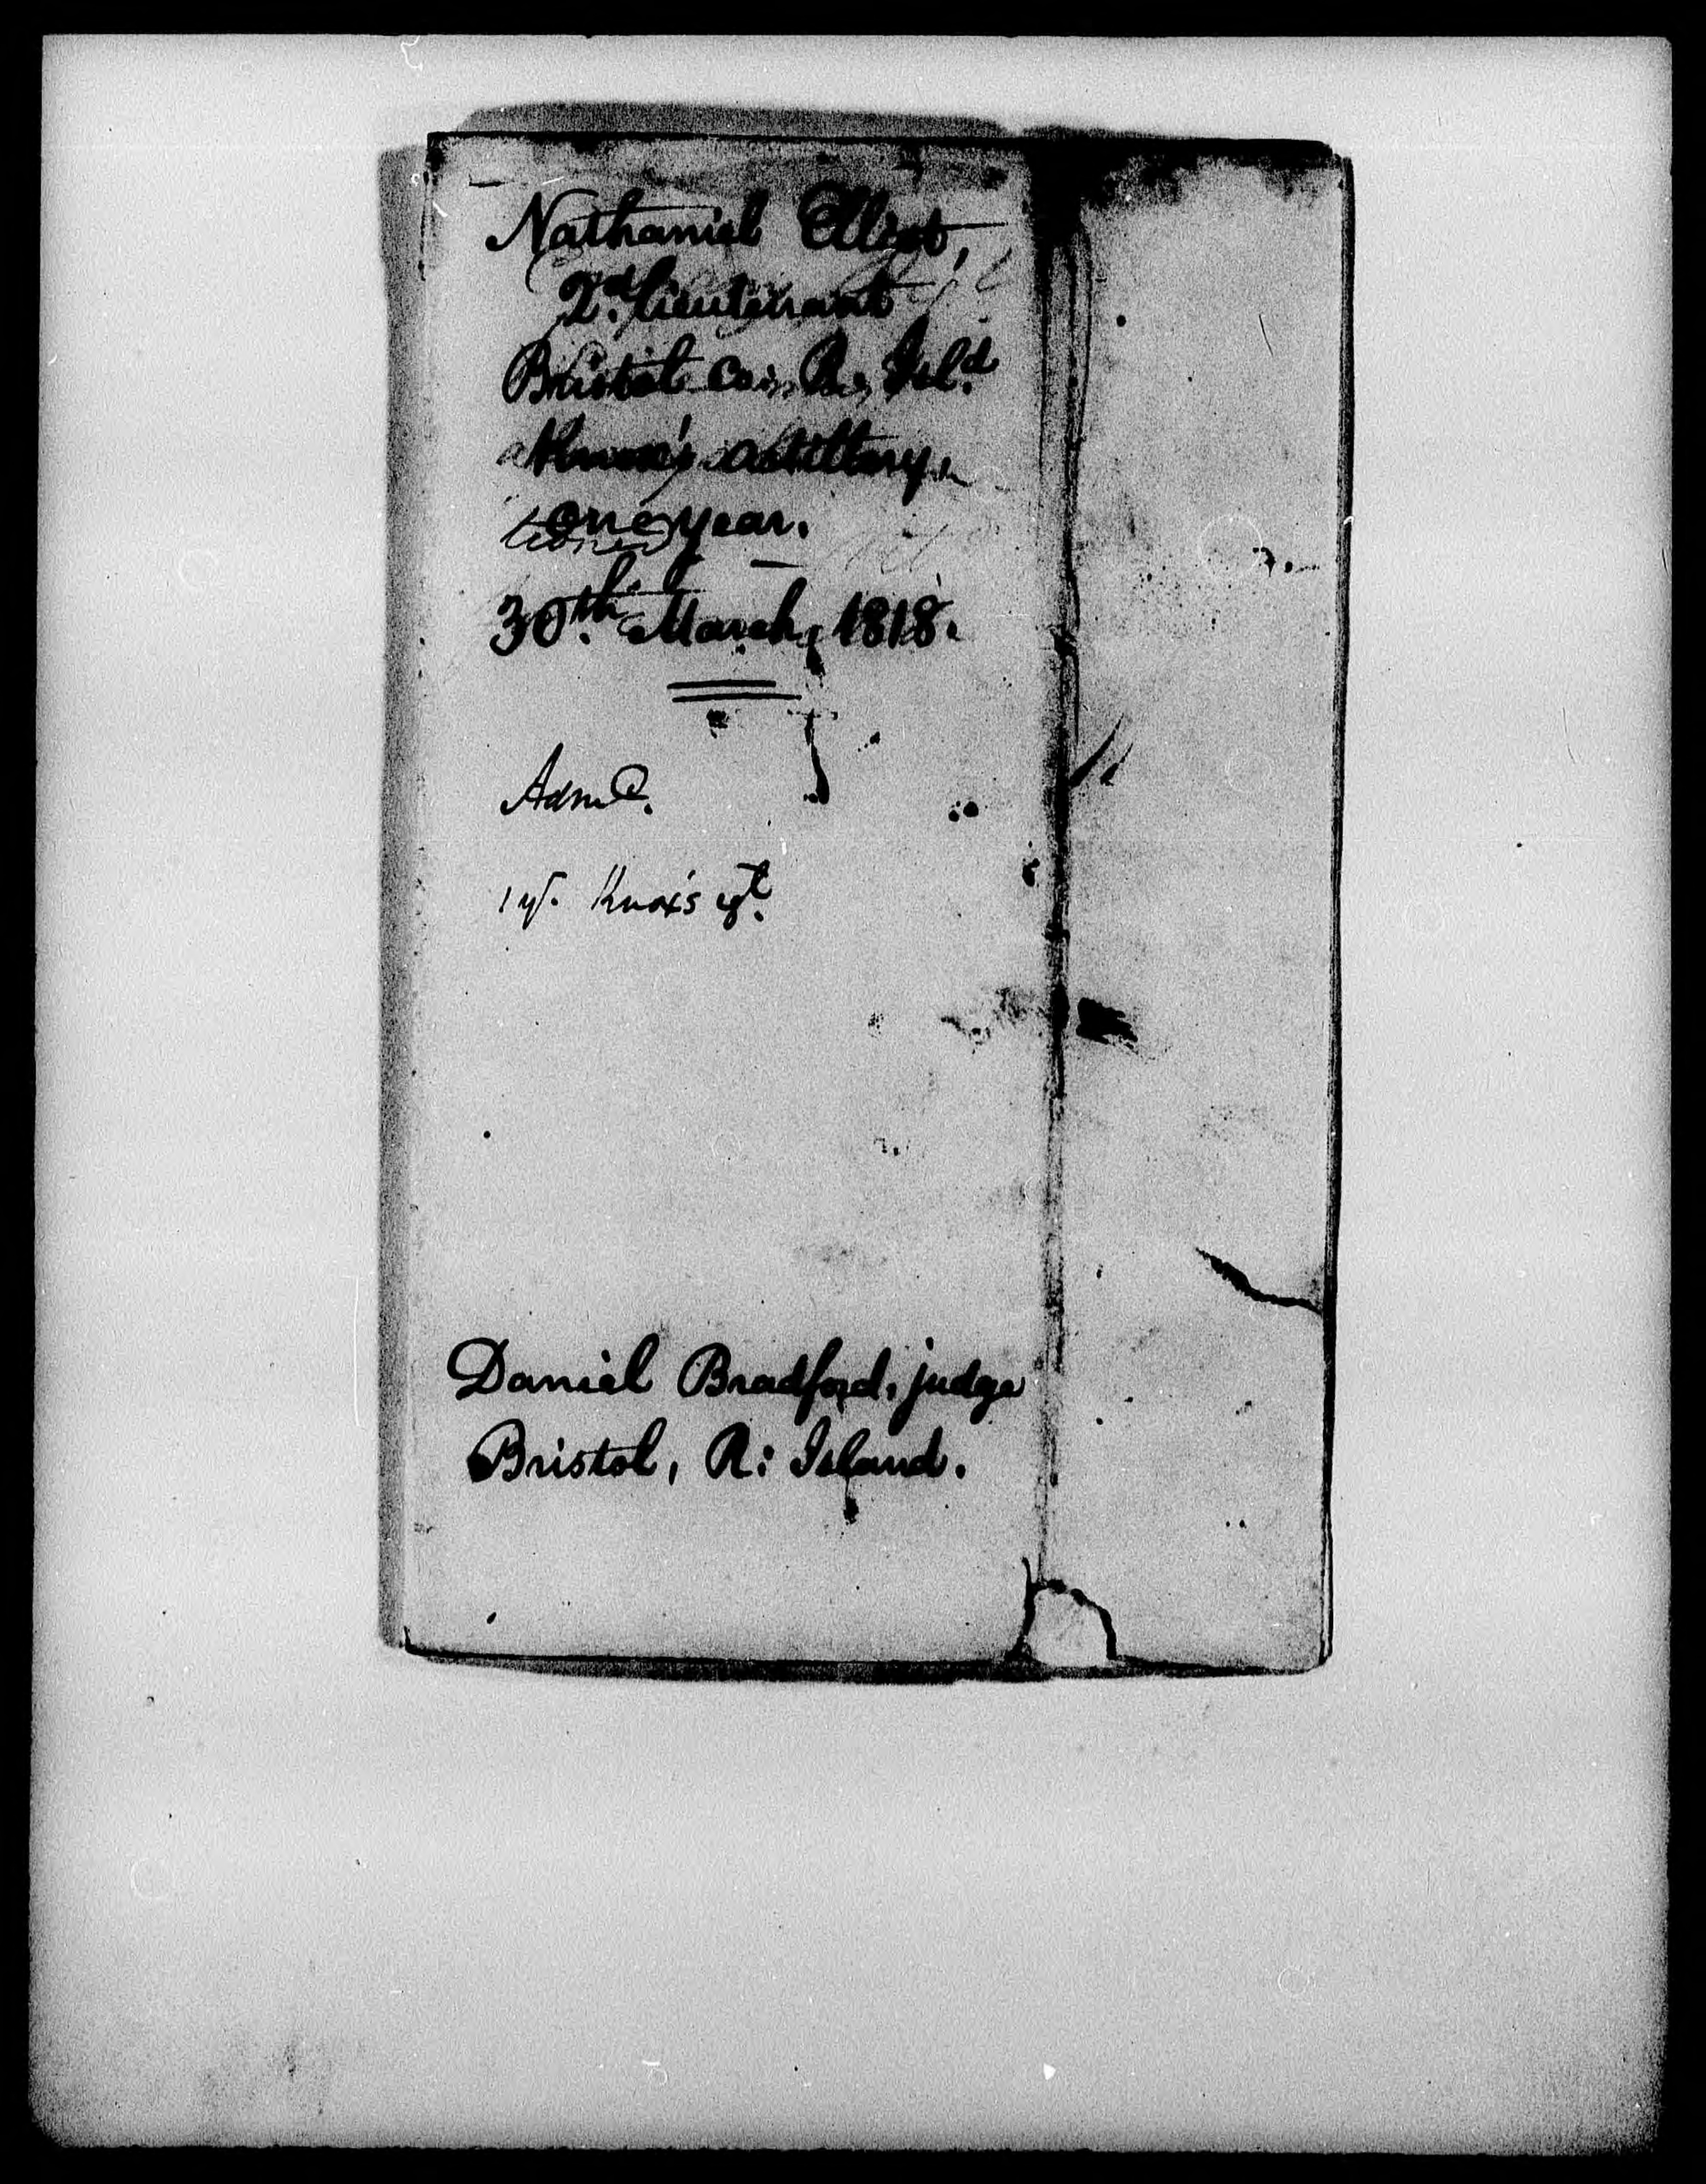Nathaniel Elliot 2d. liutenant Briston Co. R. Isld. Knox's Artillery one year. 30th March, 1818 

admd. 
1 yr. Knox's rgt.

Daniel Bradford, judge Bristol R: Island.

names: Daniel Bradford, Nathaniel Elliot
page: 20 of 29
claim: survivor's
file: S. 38679, Nathaniel Elliot, Continental R.I.